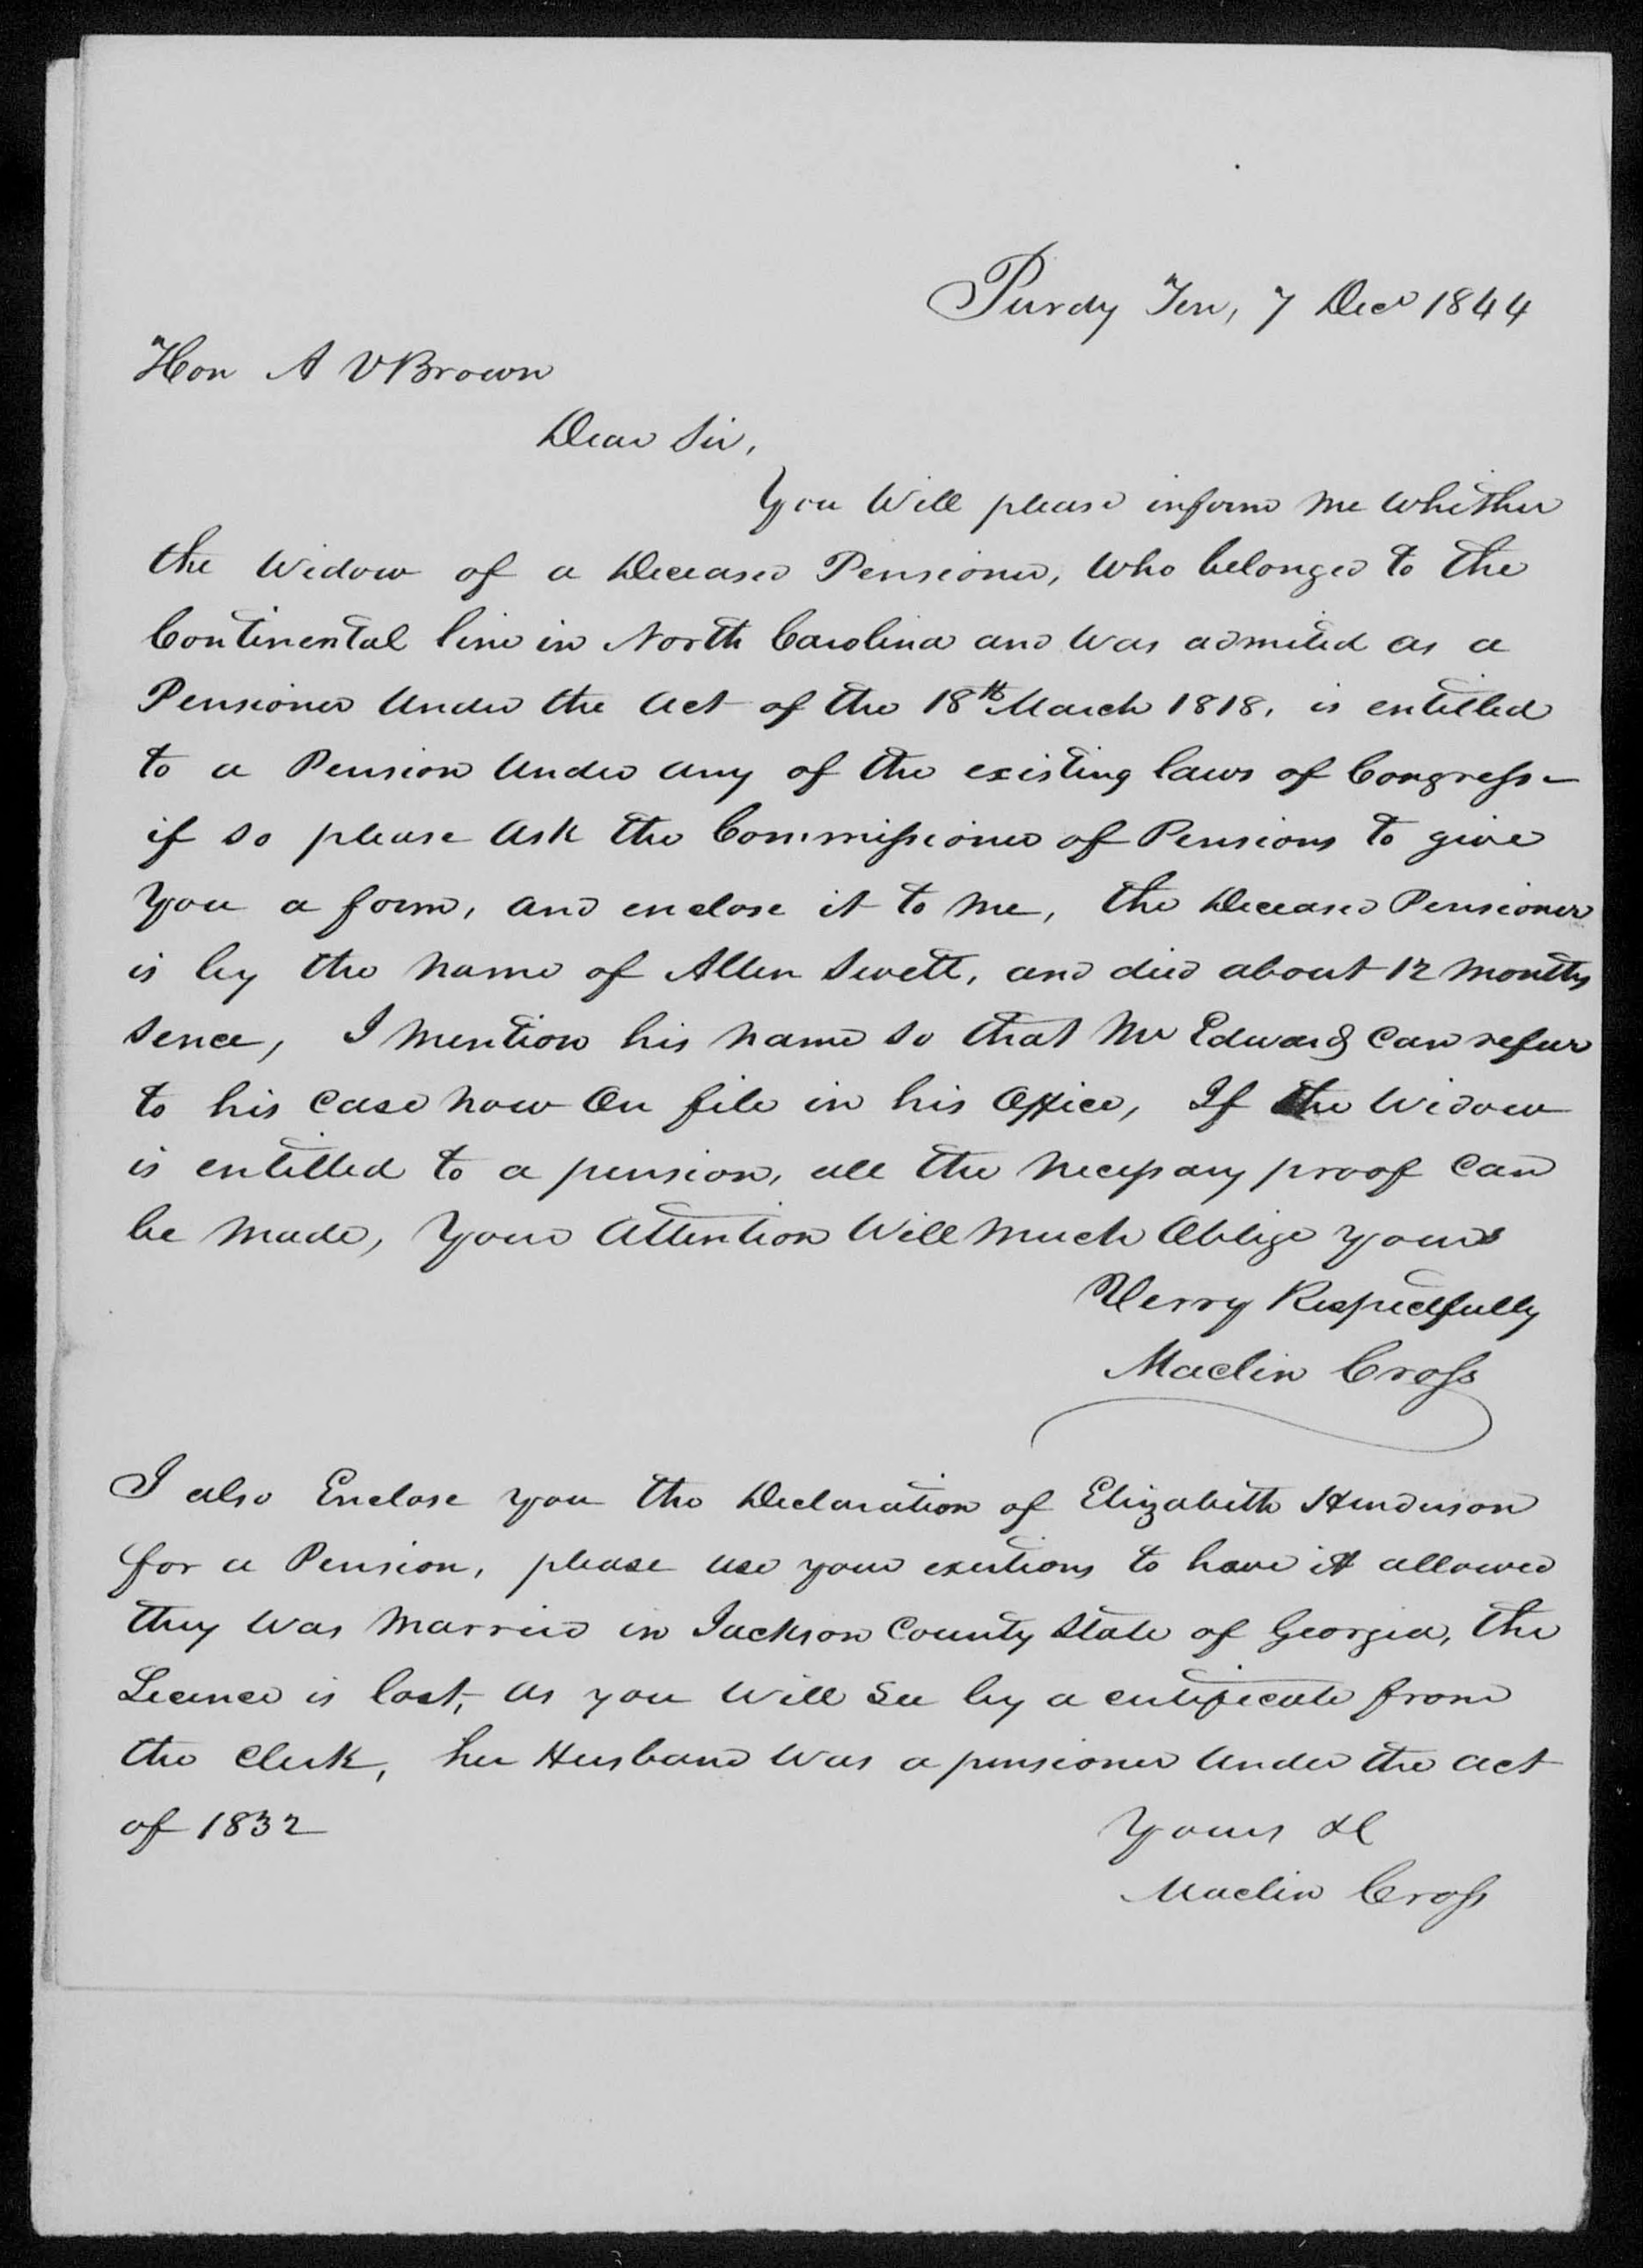Purdy Ten, 7 Decr 1844

Hon A V Brwn
Dear Sir,
You will please inform me whether the widow of a deceased pensioner, who belonged to the Continental line in North Carolina and was admited as a Pensioner under the Act of the 18th March 1818, is entitled to a Pension under any of the existing laws of Congress - if so please ask the commissioner of Pensions to give you a form, and enclose it to me, the deceased pensioner is by the name of Allen Swett, and died about 12 months since, I mention his name so that Mr Edwards can refer to his case now on file in his office, If the widow is entitled to a pension, all the necessary proof can be made, Your attention will much oblige yours
Verry Respectfully
Maclin Cross

I also enclose you the declaration of Elizabeth Henderson for a pension, please use your exertions to have it allowed they was married in Jackson County State of Georgia, the licence is lost, as you will see by a certificate from the clerk, her husband was a pensioner under the act of 1832
Yours &c
Maclin Cross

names: Elizabeth Henderson, A V Brown, Maclin Cross, Allen Swett, Edwards, Maclin Cross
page: 25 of 40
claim: rejected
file: R. 4,869, John Henderson, S.C.